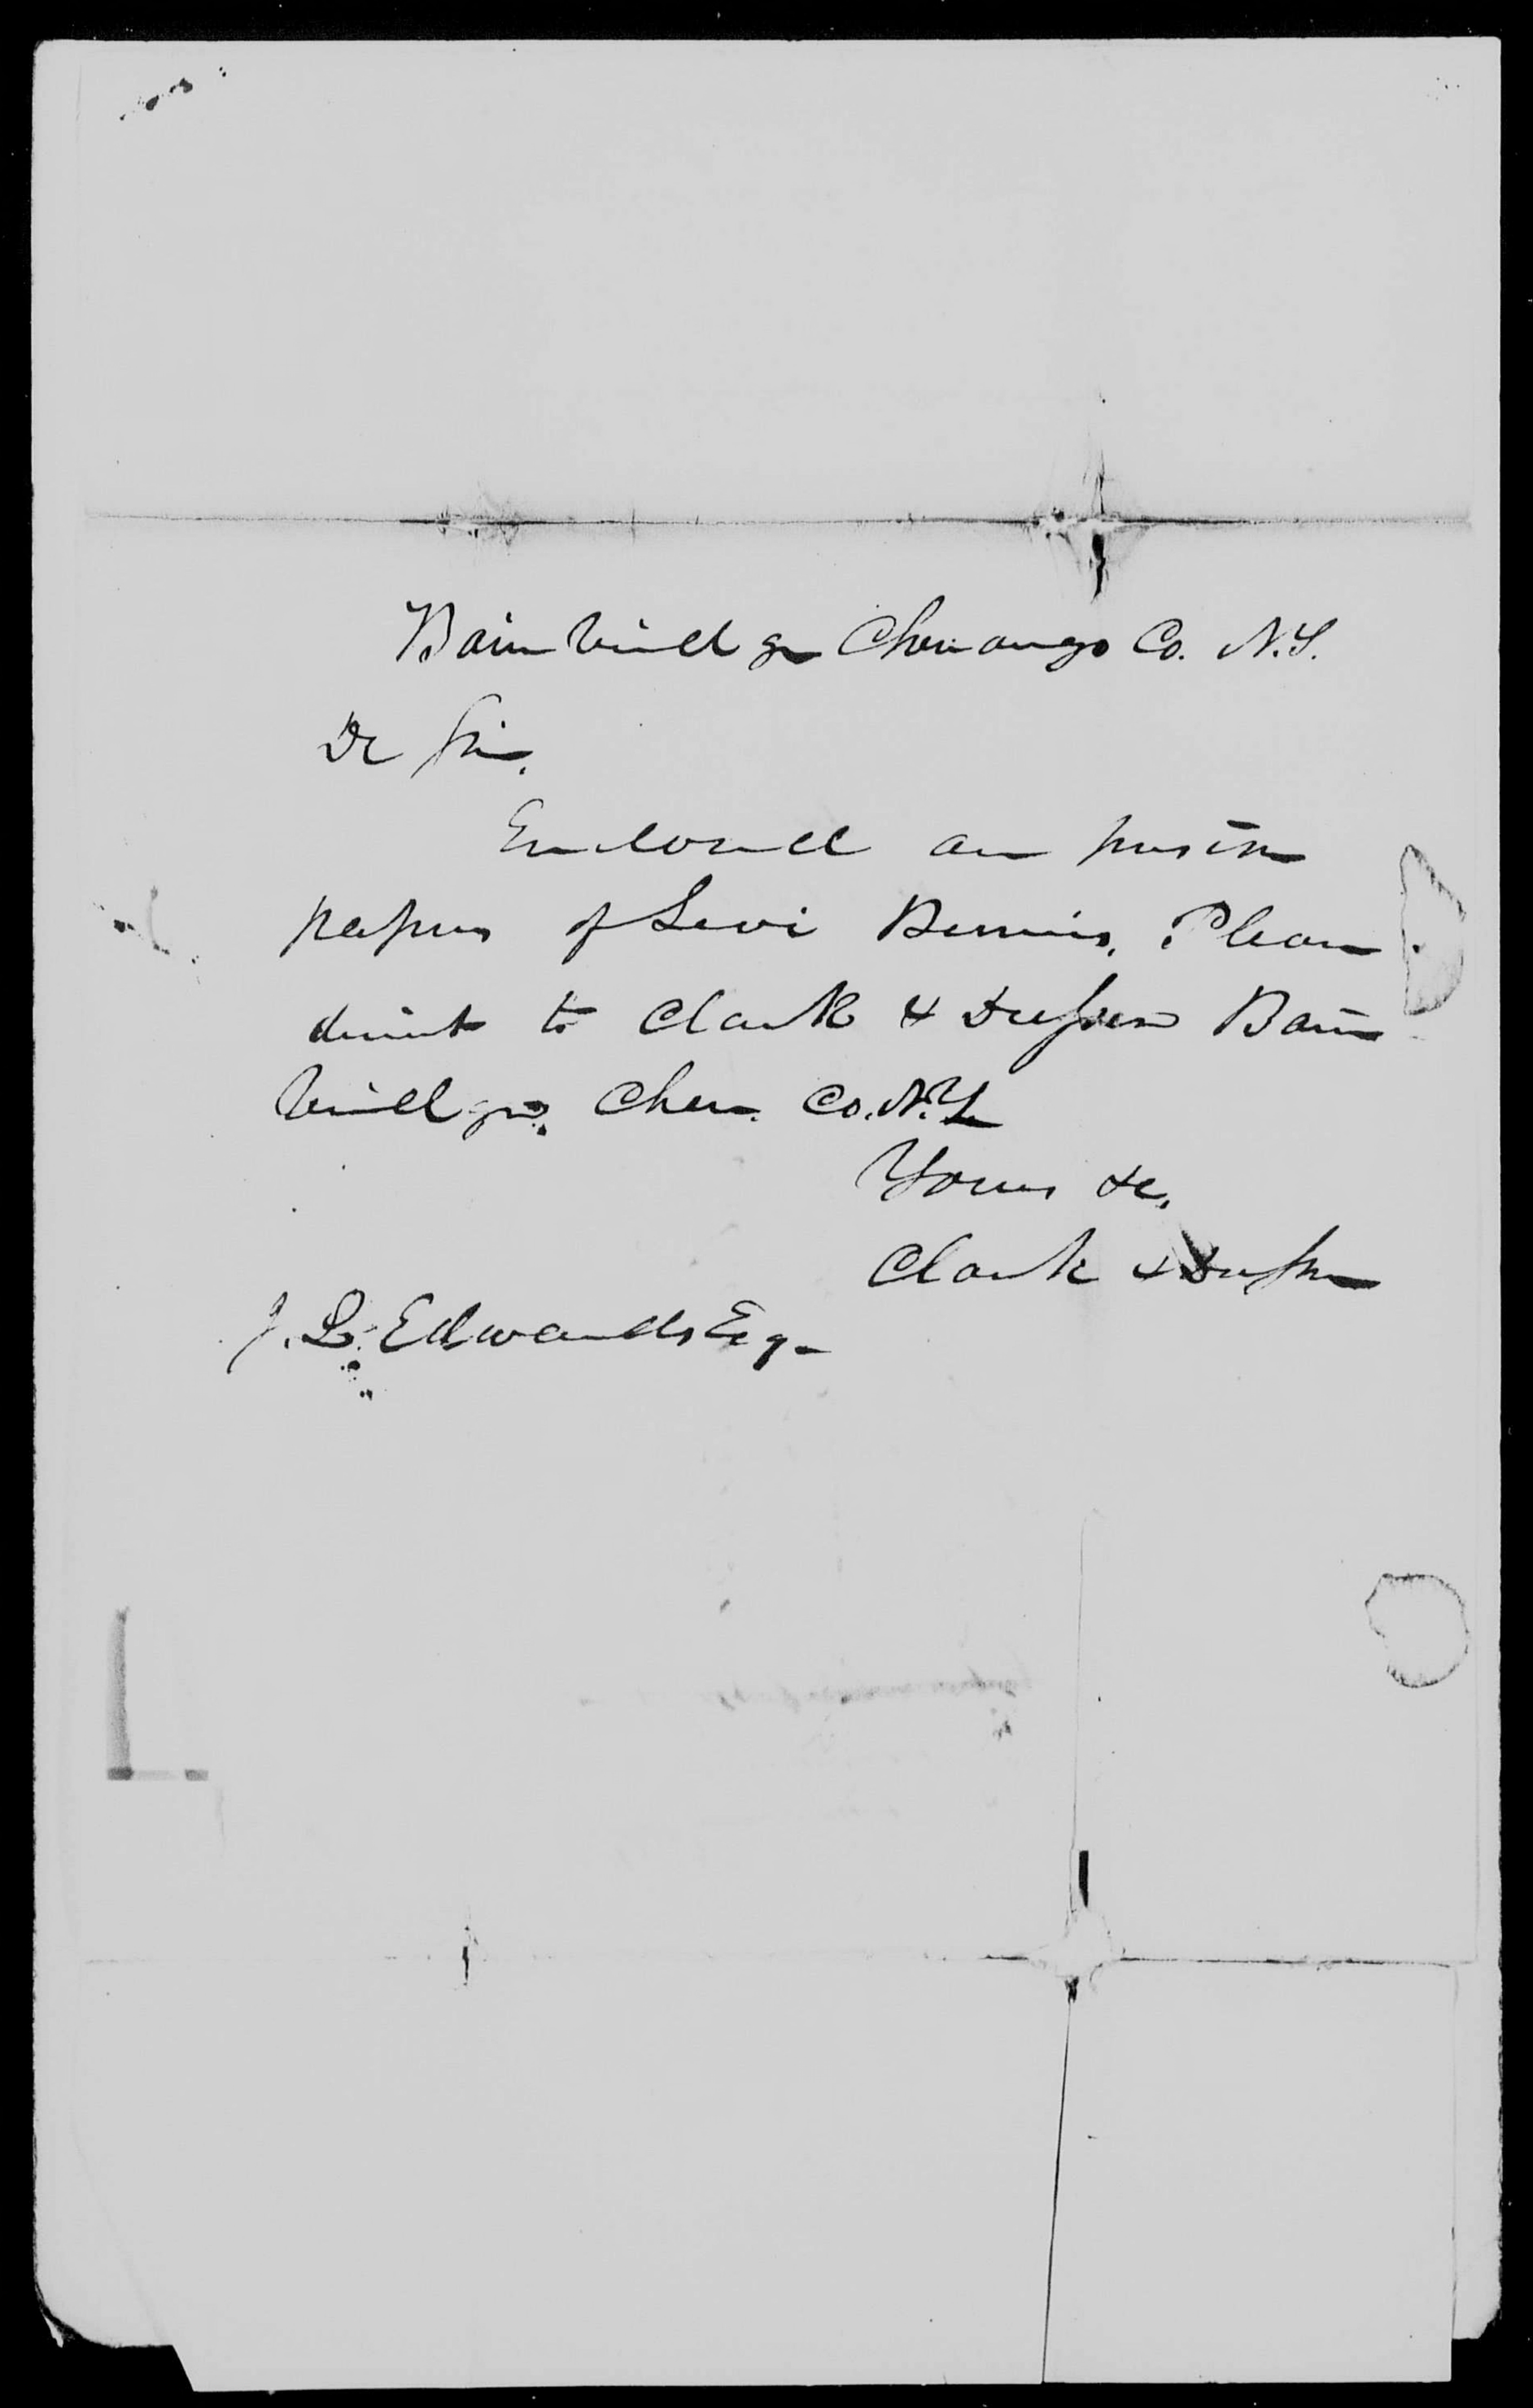[handwritten letter]
Bainbridge Chenango Co. N.Y.

Dr Sir,
Enclosed are pension papers of Levi Bemis. Please demit to Clark H. Dresser Bainbridge, Chen. Co. N.Y.
Yours &c.
/s/Clark H Dresser
J. L. Edwards Esq -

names: Dresser, Levi Bemis, Dresser, Clark, Clark, J L Edwards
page: 13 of 14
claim: survivor's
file: S. 32116, Levi Bemis, Vt.